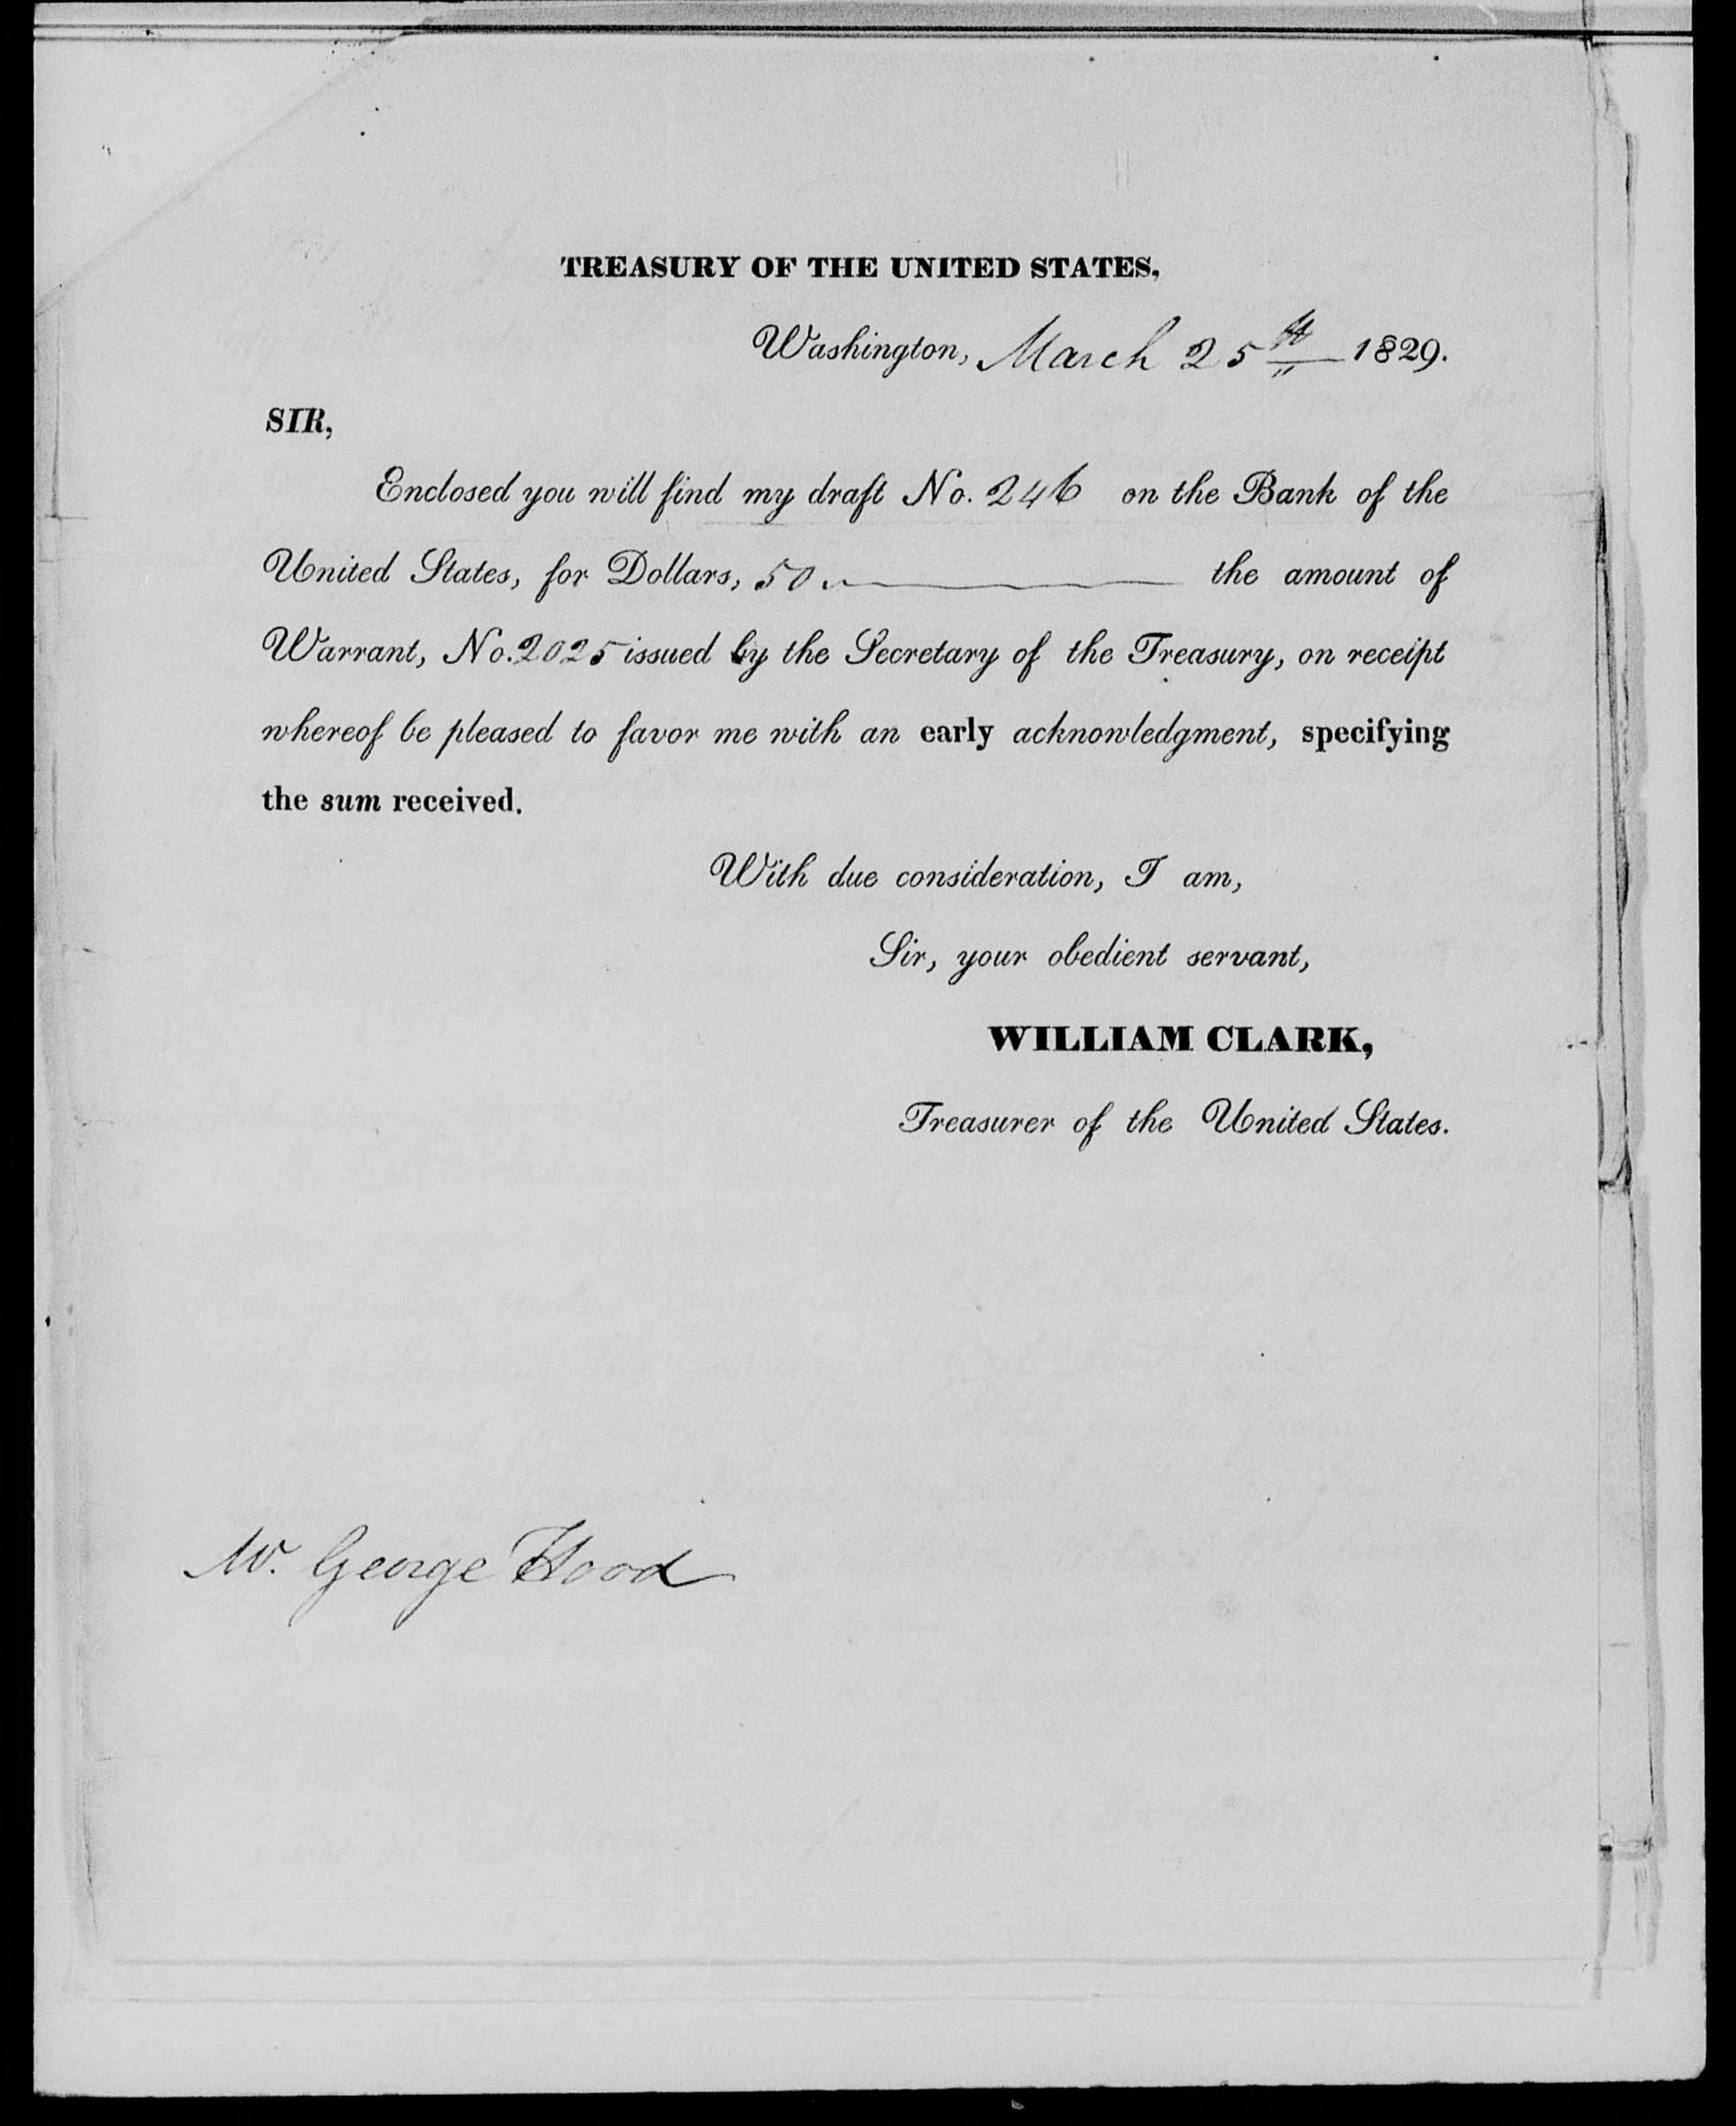Treasury of the United States
Washington, March 25th March, 1829.

Sir,

Enclosed you will find my draft No. 246 on the Bank of the United States, for Dollars, 40, the amount of Warrant, No. 2025, issued by the Secretary of the Treasury, on receipt whereof be pleased to favor me with an early acknowledgement, specifying the sum received. 

With due consideration, I am, Sir, you obedient servant,

William Clark,
Treasurer of the United States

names: William Clark, George Hood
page: 31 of 51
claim: widow's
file: W 8939, George Hood, Continental Va.